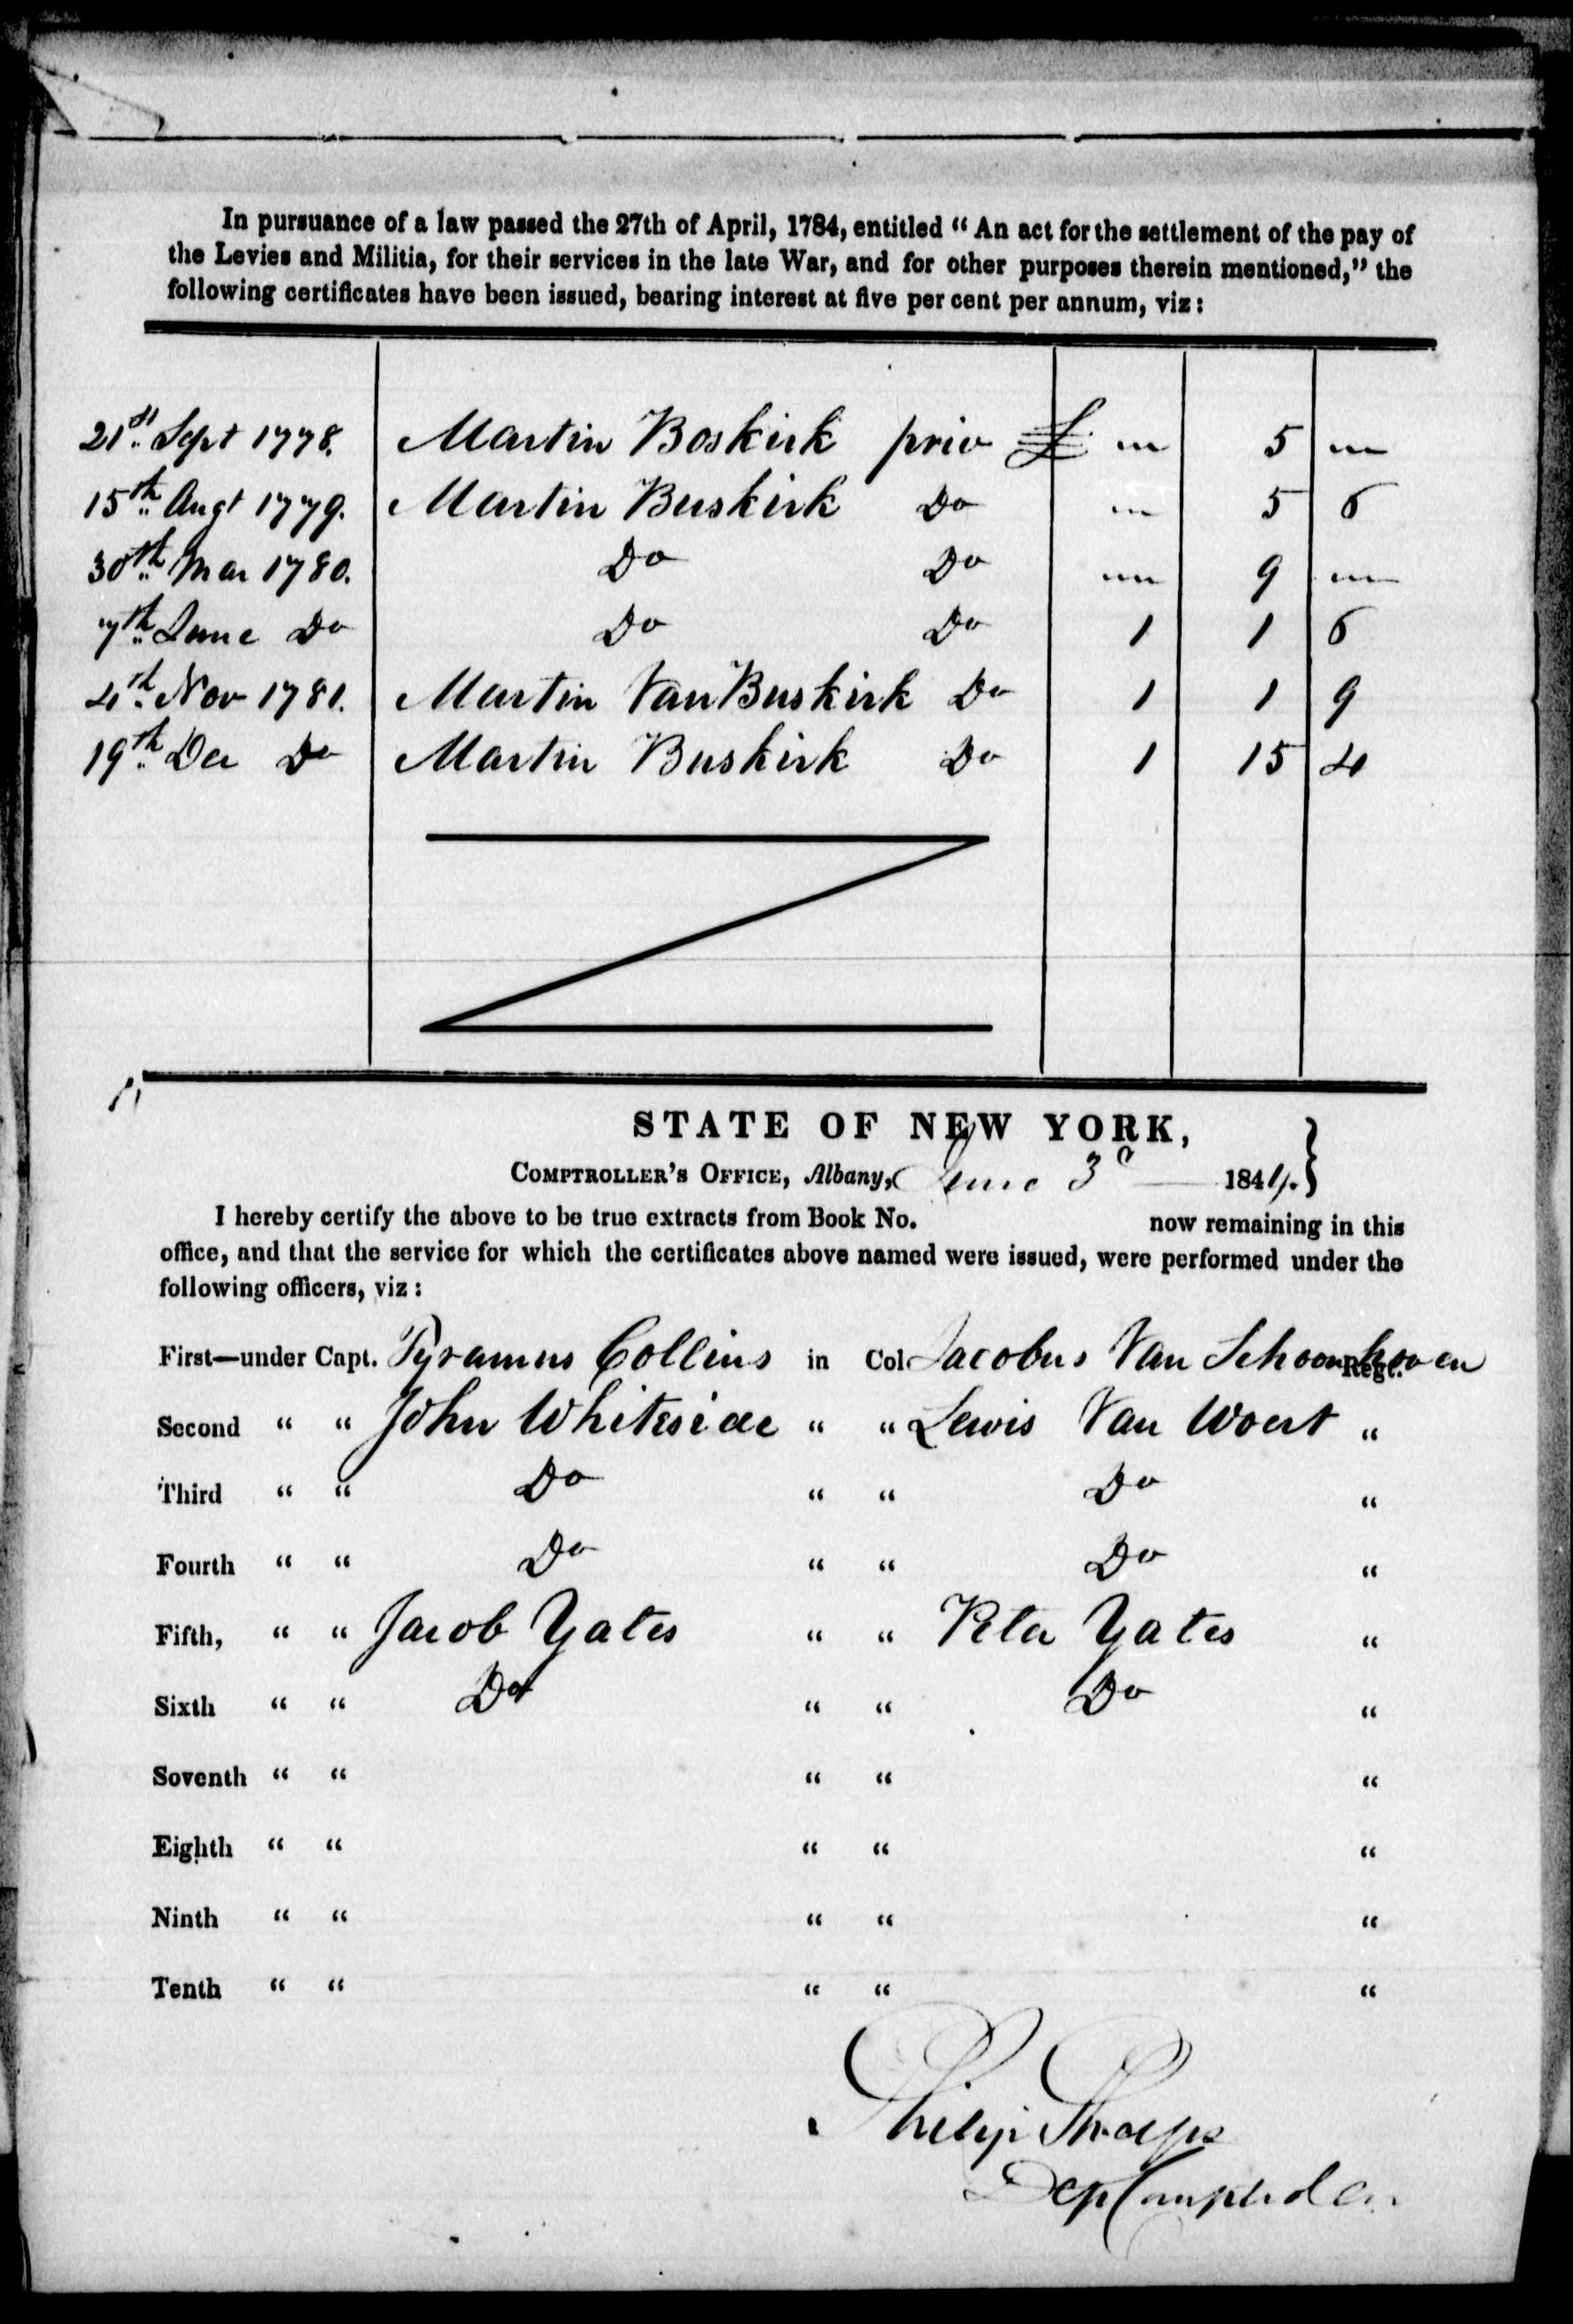In pursuance of a law passed the 27th of April, 1784, entitled "An act for the settlement of the pay of the Levies and Militia, for their service in the late War, and for other purposes therein mentioned,' the following certificates have been issued, bearing interest at five cent per annum, viz :

21st Sept 1778.  Martin Boskirk priv £ - 5 -
15th Augt 1779. Martin Buskirk  Do - 5 6
30th Mar 1780.             Do          Do - 9 -
7th June    Do               Do          Do 1 1 6
4th Nov 1781. Marin Van Buskirk Do 1 1 9
19th Dec   Do Martin Buskirk       Do  1 15 4

STATE OF NEW YORK
COMPTROLER'S OFFICE, Albany, June 3 1844
I hereby certify the above to be true extracts from Book No. [blank] now remaining in this
office, and that the service for which the certificates above named were issued, were performed under the following officers, viz :

First-under Capt. Sam Collins in Col Jacobus Van Schoonhoven Regt.

Second " " [under Capt.] John Whiteside " " [in Col] Lewis Van Woert " [regt.]

Third  " " [under Capt.] Do [John Whiteside] " " [in Col] Do [Lewis Van Woert] " [regt.]

Fourth  " " [under Capt.] Do [John Whiteside] " " [in Col] Do [Lewis Van Woert] " [regt.]

Fifth  " " [under Capt.] Jacob Yates " " [in Col] Peter Yates " [regt.]

Sixth  " " [under Capt.] Do [Jacob Yates] " " [in Col] Do [Peter Yates] " [regt.]

Soventh " " " " "

Eigth " " " "

Ninth " " " "

Tenth " " " "

Philip Phelps [signature]
Dept Comptroller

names: John Whiteside, Jacob Yates, Philip Phelps, Martin Buskirk, Martin Van Buskirk, Martin Buskirk, Tyramus Collins, Martin Boskirk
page: 5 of 70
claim: rejected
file: R. 10,832, Martin Van Buskirk, New York.